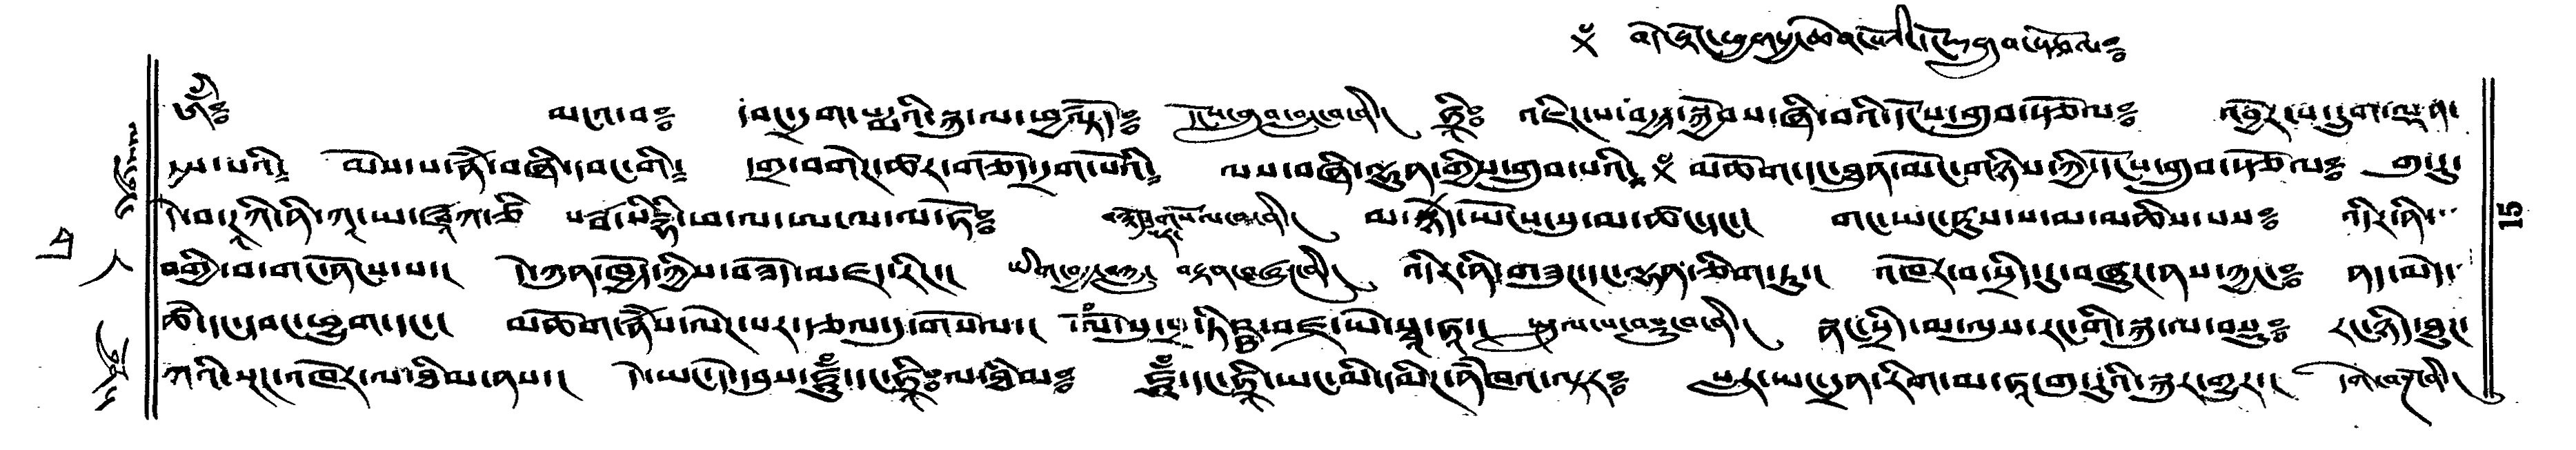མངའ་བ༔ དབང་དྲག་པདྨའི་སྐུ་ལ་ཕྱག་འཚལ་བསྟོད༔ དངོས་གྲུབ་བླང་བ་ནི། ཧྲཱི༔ འཇིགས་པ་བརྒྱད་སྐྱོབས་ཞི་བའི་དངོས་གྲུབ་སྩོལ༔ འབྱོར་པ་དྲུག་ལྡན་
རྒྱས་པའི༴ མོས་པ་རྣམ་བཞི་དབང་གི༴ དགྲ་བགེགས་ཚར་གཅོད་དྲག་པོའི༴ ལས་བཞི་ལྷུན་གྱིས་གྲུབ་པའི༴ བདེ་སྟོང་ཕྱག་རྒྱ་ཆེན་པོའི་དངོས་གྲུབ་སྩོལ༔ མཆོག་དང་ཐུན་མོང་གཉིས་ཀྱི་དངོས་གྲུབ་སྩོལ༔ གུ་རུ་
དེ་བ་ཌཱཀི་ནི་ཀཱ་ཡ་ཝཱཀ་ཙིཏྟ་སརྦ་སིདྡྷི་ཕ་ལ་ཨ་ལ་ལ་ཧོ༔ བཟོད་པར་གསོལ་བ་ནི། མ་རྙེད་ཡོངས་སུ་མ་ཚང་དང་། །གང་ཡང་ནུས་པ་མ་མཆིས་པས། །འདིར་ནི་
བགྱི་བ་གང་ནོངས་པ། །དེ་ཀུན་ཁྱོད་ཀྱིས་བཟོད་མཛད་རིགས། ཡིག་བརྒྱ་བཟླ། བརྟན་བཞུགས་ནི། འདིར་ནི་གཟུགས་དང་ལྷན་ཅིག་ཏུ། །འཁོར་བ་སྲིད་དུ་བཞུགས་ནས་ཀྱང་། །ནད་མེད་
ཚེ་དང་དབང་ཕྱུག་དང་། །མཆོག་རྣམས་ལེགས་པར་སྩལ་དུ་གསོལ། ཨོཾ་སུ་པྲ་ཏིཥྛ་བཛྲ་ཡེ་སྭ་ཧཱ། སྤྲུལ་པ་བསྡུ་བ་ནི། སྣང་སྲིད་མ་ལུས་རང་གི་སྐུ་ལ་བསྡུ༔ རང་ཉིད་ཐུགས་
ཀའི་སྔགས་འཁོར་ལ་ཐིམ་ནས༔ དེ་ཡང་དེ་དབུས་ཧཱུྃ་དང་ཧྲཱིཿལ་ཐིམ༔ ཧྃའུ་དང་ཧྲཱིཿཡང་མི་དམིགས་ནམ་མཁའ་ལྟར༔ སླར་ཡང་དྲན་རིག་མ་ཧཱ་གུ་རུའི་སྐུར་གྱུར༔ དགེ་བསྔོ་ནི།